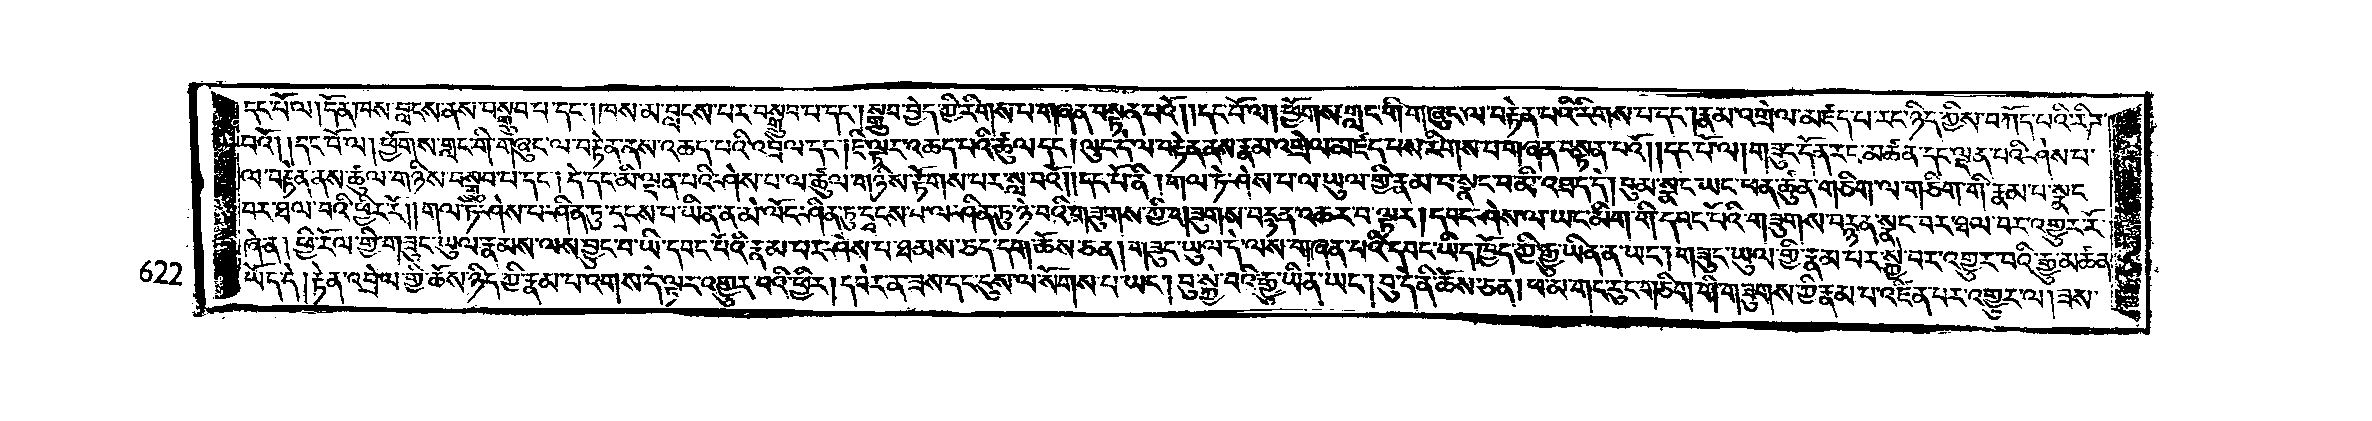དང་པོ་ལ། དོན་ཁས་བླངས་ནས་བསྒྲུབ་པ་དང་། ཁས་མ་བླངས་པར་བསྒྲུབ་པ་དང་། སྒྲུབ་བྱེད་ཀྱི་རིགས་པ་གཞན་བསྟན་པའོ། །དང་པོ་ལ། ཕྱོགས་གླང་གི་གཞུང་ལ་བརྟེན་པའི་རིགས་པ་དང་། རྣམ་འགྲེལ་མཛད་པ་རང་ཉིད་ཀྱིས་བཀོད་པའི་རིཌ་
པའོ། །དང་པོ་ལ། ཕྱོགས་གླང་གི་གཞུང་ལ་བརྟེན་ནས་འཆད་པའི་འབྲལ་དང་། ཇི་ལྟར་འཆད་པའི་ཚུལ་དང་། ལུང་དེ་ལ་བརྟེན་ནས་རྣམ་འགྲེལ་མཛད་པས་རིགས་པ་གཞན་བསྟན་པའོ། །དང་པོ་ལ། གཟུང་དོན་རང་མཚན་དང་ལྡན་པའི་ཤེས་པ་
ལ་བརྟེན་ནས་ཚུལ་གཉིས་བསྒྲུབ་པ་དང་། དེ་དང་མི་ལྡན་པའི་ཤེས་པ་ལ་ཚུལ་གཉིས་རྟོགས་པར་སླ་བའོ། །དང་པོ་ནི། གལ་ཏེ་ཤེས་པ་ལ་ཡུལ་གྱི་རྣམ་པ་སྣང་བ་མི་འཐད་དེ། བུམ་སྣང་ཡང་ཕན་ཚུན་གཅིག་ལ་གཅིག་གི་རྣམ་པ་སྣང་
པར་ཐལ་བའི་ཕྱིར་རོ། །གལ་ཏེ་ཤེས་པ་ཤིན་ཏུ་དྲངས་པ་ཡིན་ན་མེ་ལོང་ཤིན་ཏུ་དྭངས་བ་ལ་ཤིན་ཏུ་ཉེ་བའི་གཟུགས་ཀྱི་གཟུགས་བརྙན་འཆར་བ་ལྟར། དབང་ཤེས་ལ་ཡང་མིག་གི་དབང་པོའི་གཟུགས་བརྙན་སྣང་བར་ཐལ་བར་འགྱུར་རོ་
ཞེ་ན། ཕྱི་རོལ་གྱི་གཟུང་ཡུལ་རྣམས་ལས་བྱུང་བ་ཡི་དབང་པོའི་རྣམ་པར་ཤེས་པ་ཐམས་ཅད་དག་ཆོས་ཅན། གཟུང་ཡུལ་དེ་ལས་གཞན་པའི་དབང་ཡིད་ཁྱོད་ཀྱི་རྒྱུ་ཡིན་ན་ཡང་། གཟུང་ཡུལ་གྱི་རྣམ་པར་སྐྱེ་བར་འགྱུར་བའི་རྒྱུ་མཚན་
ཡོད་དེ། རྟེན་འབྲེལ་གྱི་ཆོས་ཉིད་ཀྱི་རྣམ་པ་འགས་དེ་ལྟར་འགྱུར་བའི་ཕྱིར། དཔེར་ན་ཟས་དང་དུས་ལ་སོགས་པ་ཡང་། བུ་སྐྱེ་བའི་རྒྱུ་ཡིན་ཡང་། བུ་དེ་ནི་ཆོས་ཅན། ཕ་མ་གང་རུང་གཅིག་གི་གཟུགས་ཀྱི་རྣམ་པ་འཛིན་པར་འགྱུར་ལ། ཟས་